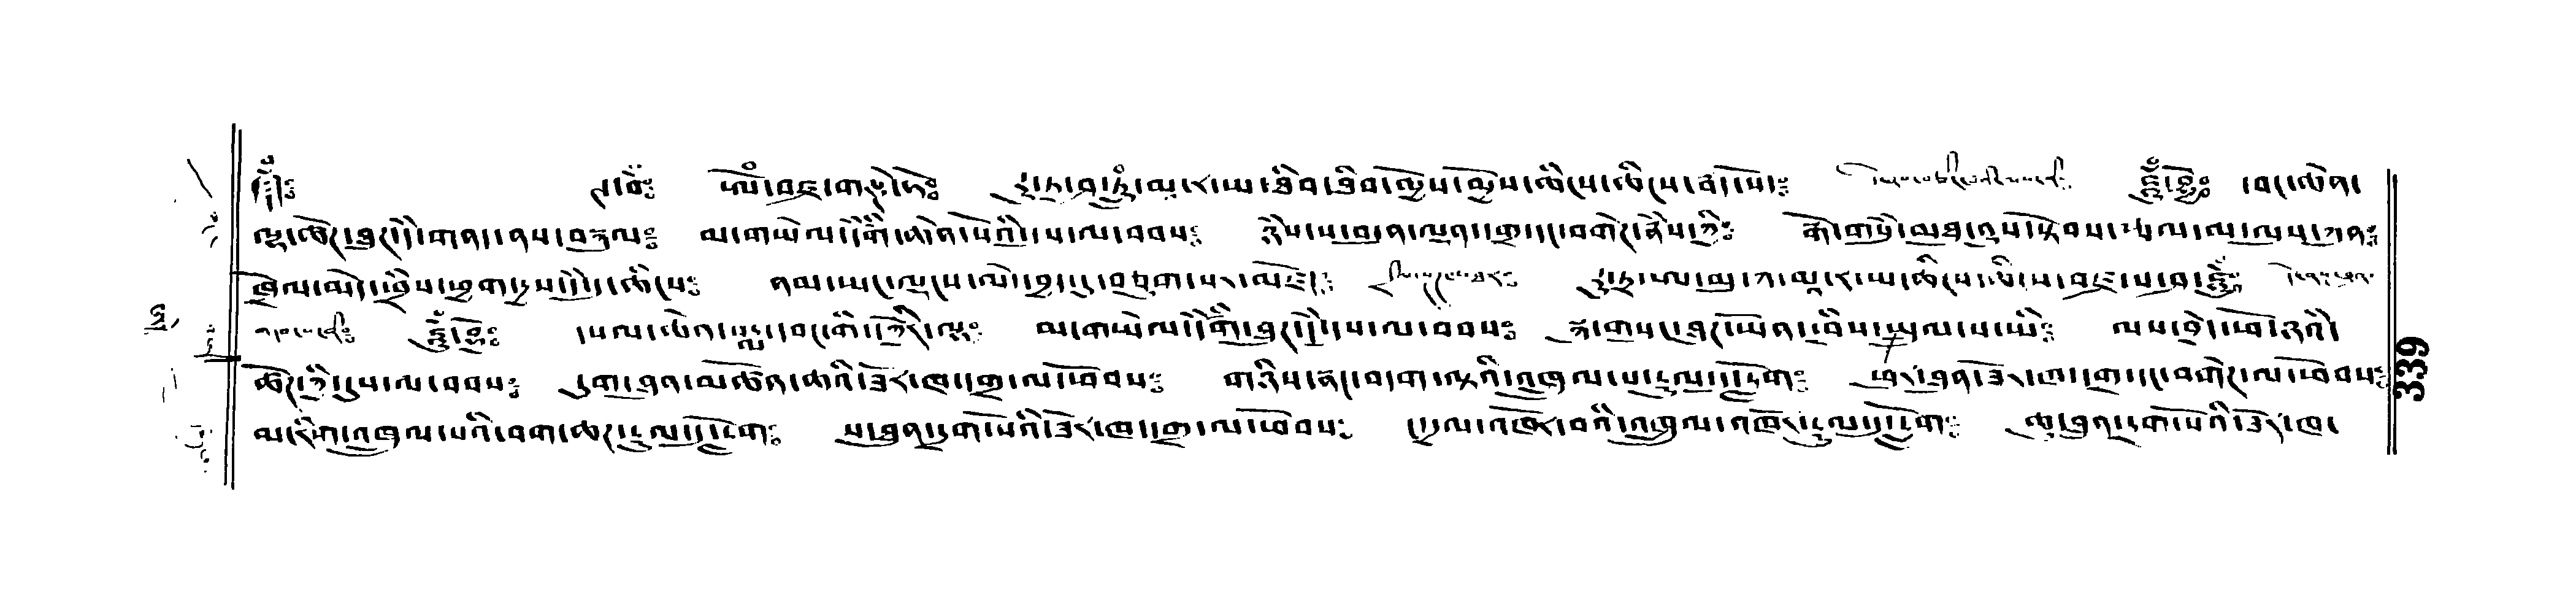ཊ་བྃ༔ ཨོཾ་བཛྲ་གཎྜེ་ཧོ༔ རུ་ཏྲ་ཤ་ཏྲུཾ་མཱ་ར་ཡ་ཐིབ་ཐིབ་མྱོས་མྱོས་ཆིངས་ཆིངས་རྦད་སོད༔ དེ་ནས་བཅིང་བའི་ལས་ནི༔ ཧཱུྃ་བྷྱོ༔ དབང་ཆེན་
ལྷ་ཚོགས་ཐུགས་དམ་གནད་ནས་བསྐུལ༔ མ་གཡེལ་དམ་ཚིག་ཆེན་པོའི་དུས་ལ་བབས༔ ཉམས་པ་བདུན་ལྡན་དགྲ་དང་བགེགས་རྣམས་ཀྱི༔ སྒོ་གསུམ་མཐུ་ནུས་སྟོབས་རྩལ་མ་ལུས་ཀུན༔ 
ཁྲོལ་མེད་ཕྲིན་ལས་ཕྱག་རྒྱས་དམ་དུ་ཆིངས༔ ནམ་ཡང་ལྡང་མེད་བྱད་དུ་བཅུག་པར་མཛོད༔ དྲིལ་སྔགས་མཐར༔ རུ་ཏྲ་ཨ་མུ་ཀ་མཱ་ར་ཡ་ཆིངས་ཆིངས་བཛྲ་པ་ཤ་ཧཱུྃ༔ དེ་ནས་ཐུན་
གདབ་པ་ནི༔ ཧཱུྃ་བྷྱོ༔ དཔལ་ཆེན་པདྨ་དབང་གི་དཀྱིལ་འཁོར་ལྷ༔ མ་གཡེལ་དམ་ཚིག་ཐུགས་དམ་དུས་ལ་བབས༔ སྐུ་གསུང་ཐུགས་ཡོན་ཕྲིན་ལས་སྤྲུལ་པ་ཡི༔ ལས་བྱེད་ཕོ་ཉའི་
ཚོགས་ཀྱི་དུས་ལ་བབས༔ དུག་ཐུན་མཚོན་ཆའི་ཟོར་ཁ་དགྲ་ལ་ཕེབས༔ གཉིས་སྣང་བདག་ལྟའི་འཁྲུལ་པ་རྡུལ་དུ་རློག༔ ཕུར་ཐུན་ཟོར་ཁ་དགྲ་དང་བགེགས་ལ་ཕོབས༔ 
མ་རིག་འཁྲུལ་པའི་བག་ཆགས་རྡུལ་དུ་རློག༔ ས་ཐུན་དྲག་པོའི་ཟོར་ཁ་དགྲ་ལ་ཕོབས༔ ང་རྒྱལ་འཁོར་བའི་འཁྲུལ་འཁོར་རྡུལ་དུ་རློག༔ ཆུ་ཐུན་དྲག་པོའི་ཟོར་ཁ་